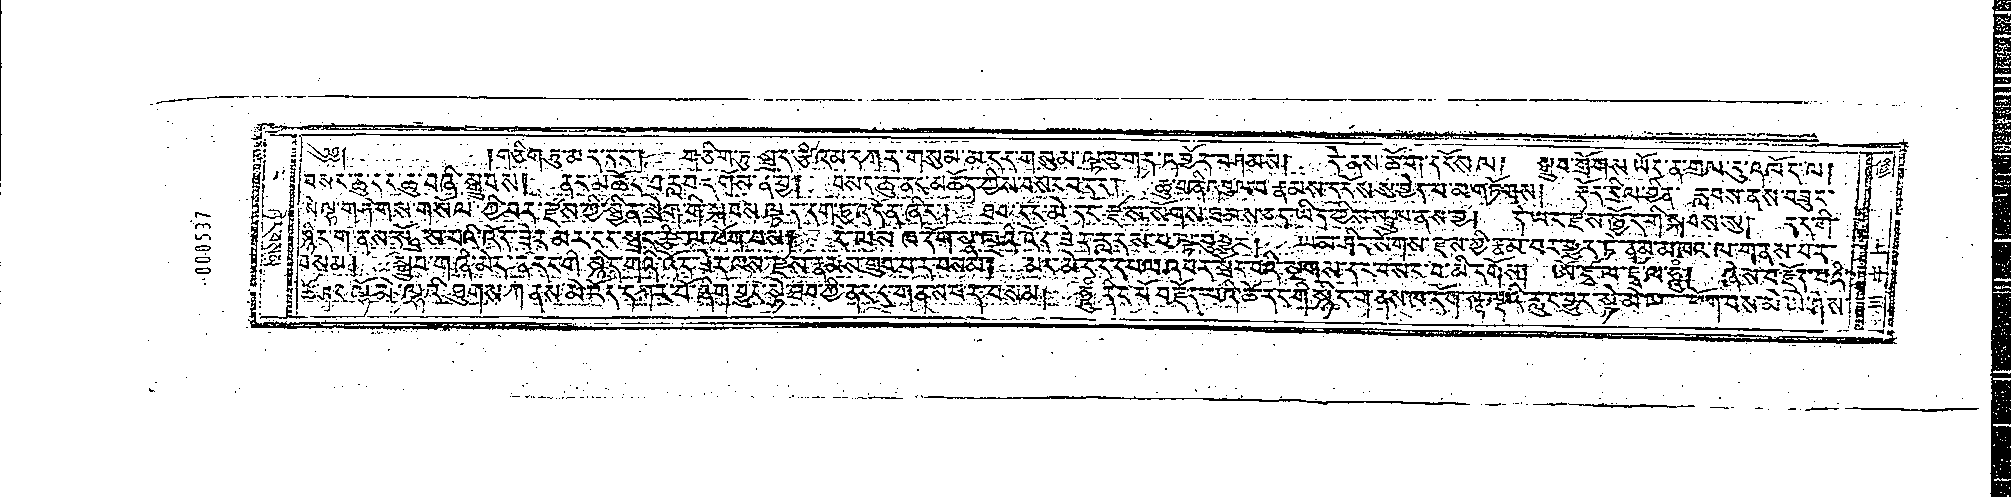༄༅། །གཅིག་ཏུ་མར་དང་། གཅིག་ཏུ་སྦྲད་རྩིའམ་དཀར་གསུམ་མདར་གསུམ་ལྟ་བུ་གད་འབྱོར་བཤམས། དེ་ནས་ཆོ་ག་དངོས་ལ། སྒྲུབ་གྲོགས་ཡོང་ན་གྲལ་དུ་འཁོད་ལ།
བསང་ཆུ་དང་ཆུ་བཞི་སྒྲུབས། ནང་མཆོད་བརླབ་དགོས་ན་བྱ། བསང་ཆུ་ནང་མཆོད་ཀྱིས་བསང་བ་དང་། ཆུ་བཞི་འབུལ་བ་རྣམས་དངོས་སུ་བྱེད་པ་མ་གཏོགས། རྡོར་དྲིལ་བྱིན་རླབས་ནས་བཟུང་
སྟེ་ལྷ་གཤེགས་གསོལ་ཀྱི་བར་རྫས་ཀྱི་སྦྱིན་སྲེག་གི་སྐབས་ལྟར་དག་ཏུ་འདོན་ཞིང་། ཐབ་དང་མེ་དང་རྫས་སོགས་ཐམས་ཅད་ཡིད་ཀྱིས་སྤྲུལ་ནས་བྱ། དེ་ཡང་རྫས་སྦྱོང་གི་སྐབས་སུ། རང་གི་
སྙིང་ག་ནས་སྤྲོས་པའི་འོད་ཟེར་མར་དང་སྦྲང་རྩ་ལ་ཕོག་པས། རེ་ལས་ཁ་དོག་སྣ་ལྔའི་འོད་ཟེར་རླངས་པ་ལྟ་བུ་བྱུང་། ཡམ་ཤིང་སོགས་རྫས་ཀྱི་རྣམ་བར་གྱུར་ཏེ་ནམ་མཁའ་ལ་གནས་པར་
བསམ། སྒྲུབ་གཞི་མེད་ན་རང་གི་སྙིང་གའི་འོད་ཟེར་ལས་རྫས་རྣམས་གྲུབ་པར་བསམ། མར་མེ་དང་དཔལ་འབར་སྦོར་བའི་སྔགས་དང་བསང་བ་མི་དགོས། ཨོཾ་ཛྭ་ལ་ཛྭ་ལ་ཧཱུཾ། ཞེས་བརྗོད་པའི་
ཚེ་ཤང་ལྷོ་མེ་ལྷའི་ཐུགས་ཀ་ནས་མེ་འོང་དཀར་བོ་ཞིག་བྱུང་སྟེ་ཐབ་ཀྱི་ནང་དུ་གནས་པར་བསམ། ཧཱུཾ་རིང་པོ་བརྗོད་པའི་ཚེ་རང་གི་སྙིང་ག་ནས་ཁ་དོག་སྣ་ལྔའི་རླུང་བྱུང་སྟེ་ལ་ཕོག་བས་མེ་ཡེ་ཤེས་